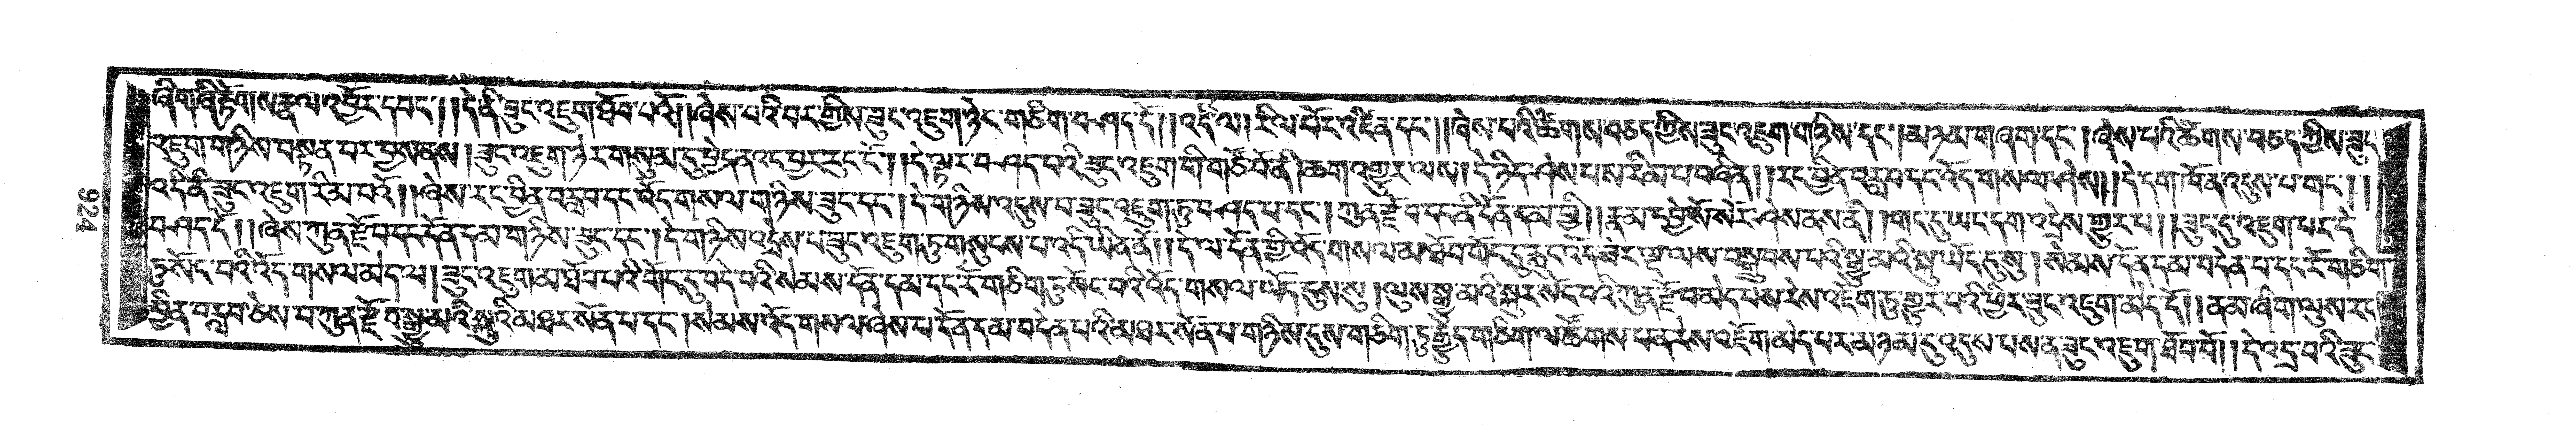ཞིག་ཞི་རྟོགས་རྣལ་འབྱོར་དབང་། །དེ་ནི་ཟུང་འཇུག་ཐོབ་པའོ། །ཞེས་པའི་བར་གྱིས་ཟུང་འཇུག་ཉེར་གཅིག་བཤད་དོ། །འདི་ལ། རིལ་བོར་འཛིན་དང་། །ཞེས་པའི་ཚིགས་བཅད་ཀྱིས་ཟུང་འཇུག་གཉིས་དང་། མཉམ་གཞག་དང་། ཞེས་པའི་ཚིགས་བཅད་ཀྱིས་ཟུང་
འཇུག་གཉིས་བསྟན་པར་བྱས་ནས། ཟུང་འཇུག་ཉེར་གསུམ་དུ་བྱེད་ནའང་བྱར་རུང་ངོ། །དེ་ལྟར་བཤད་པའི་ཟུང་འཇུག་གི་གཙོ་བོ་ནི། ཆག་འགྱུར་ལས། དེ་ཉིད་ཤེས་པས་རིམ་པ་བཞིན། །རང་བྱིན་བརླབ་དང་འོད་གསལ་ཤེས། །དེ་དག་ཁོ་ན་འདུས་པ་གང་། །
འདི་ནི་ཟུང་འཇུག་རིམ་པའོ། །ཞེས་རང་བྱིན་བརླབ་དང་འོད་གསལ་གཉིས་ཟུང་དང་། དེ་གཉིས་འདུས་པ་ཟུང་འཇུག་ཏུ་བཤད་པ་དང་། ཀུན་རྫོབ་དང་ནི་དོན་དམ་གྱི། །རྣམ་དབྱེ་སོ་སོར་ཤེས་ནས་ནི། །གང་དུ་ཡང་དག་འདྲེས་གྱུར་པ། །ཟུང་དུ་འཇུག་པར་དེ་
བཤད་དོ། །ཞེས་ཀུན་རྫོབ་དང་དོན་དམ་གཉིས་ཟུང་དང་། དེ་གཉིས་འདྲེས་པ་ཟུང་འཇུག་ཏུ་གསུངས་པ་འདི་ཡིན་ནོ། །དེ་ལ་དོན་གྱི་འོད་གསལ་མ་ཐོབ་གང་དུ་རླུང་འོད་ཟེར་ལྔ་ལས་བསྒྲུབས་པའི་སྒྱུ་མའི་སྐུ་ཡོད་དུ་སུ། སེམས་དོན་དམ་བདེན་པ་དང་རོ་གཅིག་
ཏུ་སོང་བའི་འོད་གསལ་མེད་ལ། ཟུང་འཇུག་མ་ཐོབ་པའི་གོང་དུ་བདེ་བའི་སེམས་དོན་དམ་དང་རོ་གཅིག་ཏུ་སོང་བའི་འོད་གསལ་ཡོད་དུས་སུ། ལུས་སྒྱུ་མའི་སྐུར་སོང་བའི་ཀུན་རྫོབ་མེད་པས་རེས་འཇོག་ཏུ་གྱུར་པའི་ཕྱིར་ཟུང་འཇུག་མེད་དོ། །ནམ་ཞིག་ལུས་རང་
བྱིན་བརླབ་ཅེས་པ་ཀུན་རྫོབ་སྒྱུ་མའི་སྐུའི་མཐར་སོན་པ་དང་། སེམས་འོད་གསལ་ཞེས་པ་དོན་དམ་བདེན་པའི་མཐར་སོན་པ་གཉིས་དུས་གཅིག་ཏུ་རྒྱུད་གཅིག་ལ་ཚོགས་པ་ན་རེས་འཇོག་མེད་པར་མཉམ་དུ་འདུས་པས་ན་ཟུང་འཇུག་ཐོབ་བོ། །དེ་འདྲ་བའི་ཟུང་